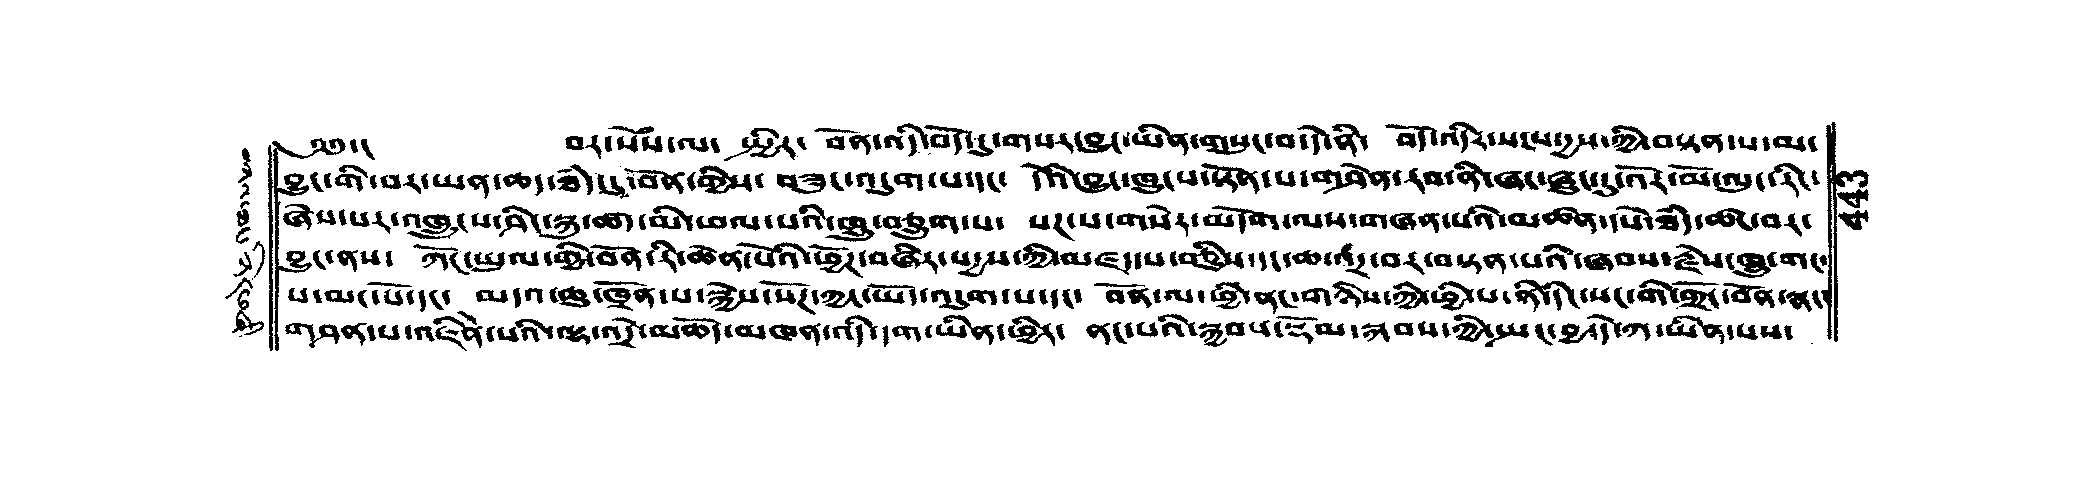བར་སེམས་ལ། སྤྱིར་བོན་འདི་བོད་དུ་གསར་བྱུང་ཡིན་གསུང་བ་དེ་ནི། བོད་འདིར་སངས་རྒྱས་ཀྱི་བསྟན་པ་མ་
བྱུང་གི་བར་ཡན་ཆད་ཐམས་ཅད་དུ་བོན་གྱིས་བཟུང་འདུག་པ་དང་། དེའི་བྱུང་ཁུངས་སྟོན་པ་གཤེན་རབ་ནི་ཞང་ཞུང་དུ་འོལ་མོ་ལུང་རིང་
ཞེས་པར་འཁྲུངས་ཤིང་སྐུ་ཚད་མི་ཕལ་པའི་བཅུ་དྲུག་པ། པགས་པ་གསེར་མདོག་ལས་གཞན་པའི་མཚན་དཔེ་ཐམས་ཅད་ཚང་བར་
བྱུང་ནས། ཀོང་ཡུལ་གྱི་བོན་རི་ཆེན་པོའི་ཕྱོགས་བཞིར་སངས་རྒྱས་ཀྱི་མཛད་པ་བཅུ་གཉིས་དང་ཆ་འདྲ་བར་བསྟན་པའི་ཞབས་རྗེས་ཁྲུ་གང་
པ་མང་པོ་དང་།མདའ་ཆུ་ཁྲོན་པ་སྐྱེས་སོགས་ཀྱང་ཡོད་འདུག་པ་དང་། བོན་ལ་ཕྱི་ནང་གཉིས་ཀྱི་ཕྱི་པ་ནི་དེང་སང་གི་གྲོང་བོན་སྣང་
གཤན་པ་འཇིག་རྟེན་པའི་ལྷ་འདྲེ་མཆོད་མཁན་འདི་དག་ཡིན་ཕྱིར། ནང་པའི་སྐྱབས་སྡོམ་སྐབས་ཀྱི་སྤང་བྱ་དེ་ཀ་ཡིན་པས་